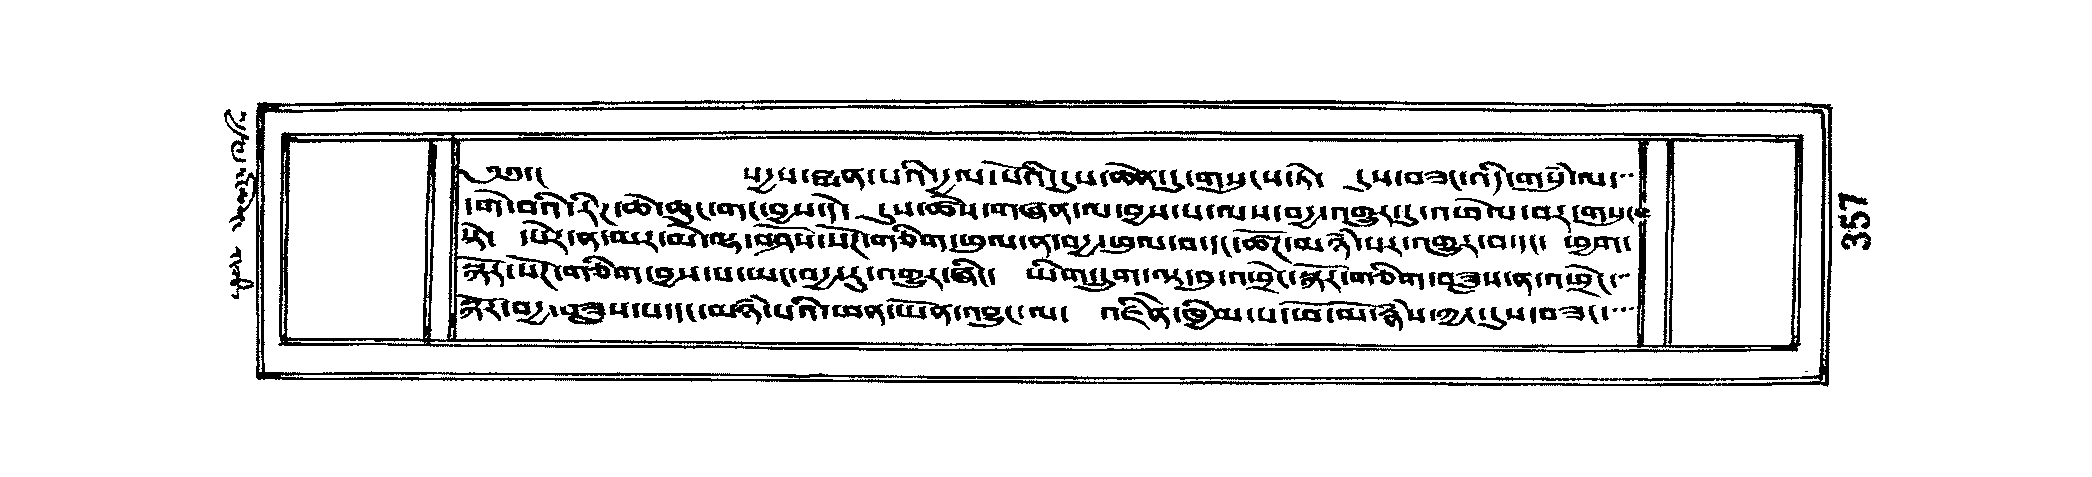སངས་རྒྱས་སྨན་པའི་རྒྱལ་པོའི་དུས་ཆེན་དུ་གསུངས་ཏེ། དུས་བཟང་འདི་གསུམ་ལ་
དགེ་བའི་རིགས་ཆེ་ཆུང་གང་བྱས་ཏེ། དུས་ཚེས་གཞན་ལ་བྱས་པ་ལས་བརྒྱ་འགྱུར་དུ་འཕེལ་བར་གསུངས་
ཏེ། དཔེར་ན་མར་མེ་ལྷ་བཤོས་སོགས་གཅིག་ཕུལ་ན་བརྒྱ་ཕུལ་བ་དང་ཚོགས་མཉམ་པར་འགྱུར་བ་དང་། ཕྱག་
སྐོར་སོགས་གཅིག་བྱས་པ་ཡང་བརྒྱ་རུ་འགྱུར་ཞིང་། ཡིག་དྲུག་ལྟ་བུ་འཕྲེང་སྐོར་གཅིག་བཟླས་ན་འཕྲེང་
སྐོར་བརྒྱ་བཟླས་པ་དང་མཉམ་པའི་ཕན་ཡོན་འབྱུང་ལ། འཇིག་རྟེན་ཁྱིམ་པ་ཕོ་མོ་རྣམས་ཀྱང་དུས་བཟང་